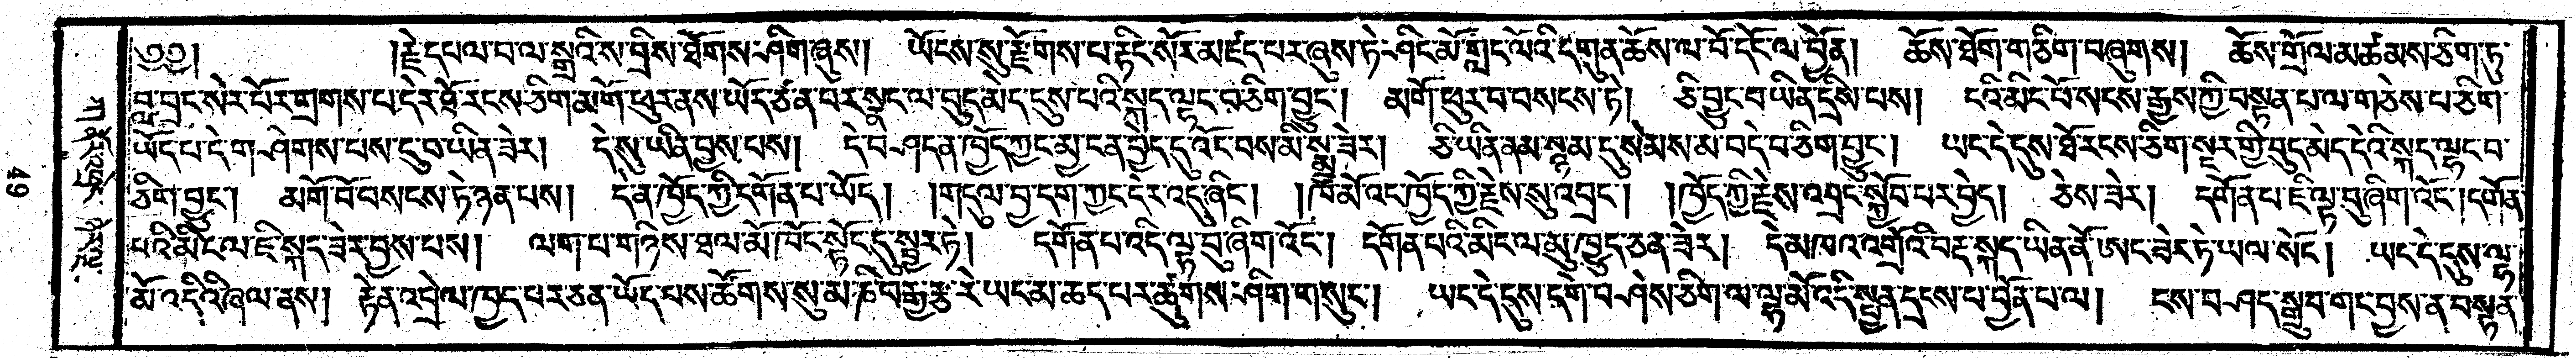༄༅། །རྗེ་དཔལ་བ་ལ་སྒྲའི་ས་བྲིས་ཐོགས་ཤིག་ཞུས། ཡོངས་སུ་རྫོགས་པ་རྟིང་སོར་མཛད་པར་ཞུས་ཏེ་ཤིང་མོ་གླང་ལོའི་དགུན་ཆོས་ལ་བོ་དོང་ལ་བྱོན། ཆོས་ཐོག་གཅིག་བཞུགས། ཆོས་གྲོལ་མཚམས་ཅིག་ཏུ་
བླ་བྲང་སེར་པོར་གྲགས་པ་དེར་ཐོ་རངས་ཅིག་མགོ་ཕུར་ནས་ཡོད་ཙ་ན་བར་སྣང་ལ་བུད་མེད་དུས་པའི་སྐད་ལྷང་བ་ཅིག་བྱུང་། མགོ་ཕུར་བ་བསངས་ཏེ། ཅི་བྱུང་བ་ཡིན་དྲིས་པས། ངའི་མིང་པོ་སངས་རྒྱས་ཀྱི་བསྟན་པ་ལ་གཅེས་པ་ཅིག་
ཡོད་པ་དེ་གཤེགས་པས་དུ་བ་ཡིན་ཟེར། དེ་སུ་ཡིན་བྱས་པས། དེ་བཤད་ན་ཁྱོད་ཀྱང་མྱ་ངན་བྱེད་དུ་འོང་བས་མི་སྨྲ་ཟེར། ཅི་ཡིན་ནམ་སྙམ་དུ་སེམས་མ་བདེ་བ་ཅིག་བྱུང་། ཡང་དེ་དུས་ཐོ་རངས་ཅིག་སྔར་གྱི་བུད་མེད་དེའི་སྐད་ལྷང་བ་
ཅིག་བྱུང་། མགོ་བོ་བསངས་ཏེ་ཉན་པས། དེ་ན་ཁྱོད་ཀྱི་དགོན་པ་ཡོད། །གདུལ་བྱ་དག་ཀྱང་དེར་འདུ་ཞིང་། །ཁ་མོ་འང་ཁྱོད་ཀྱི་རྗེས་སུ་འབྲང་། །ཁྱོད་ཀྱི་རྗེས་འབྲང་སྐྱོབ་པར་བྱེད། ཅེས་ཟེར། དགོན་པ་ཇི་ལྟ་བུ་ཞིག་འོང་། དགོན་
པའི་མིང་ལ་ཇི་སྐད་ཟེར་བྱས་པས། ལག་པ་གཉིས་ཐལ་མོ་ཁོང་སྟོང་དུ་སྦྱར་ཏེ། དགོན་པ་འདི་ལྟ་བུ་ཞིག་འོང་། དགོན་པའི་མིང་ལ་མུ་ཁྱུང་ཅན་ཟེར། དེ་མཁའ་འགྲོའི་བརྡ་སྐད་ཡིན་ནོ་ཨང་ཟེར་ཏེ་ཡལ་སོང་། ཡང་དེ་དུས་ལྷ་
མོ་འདིའི་ཞལ་ནས། རྟེན་འབྲེལ་ཁྱད་པར་ཅན་ཡོད་པས་ཚོགས་སུ་མ་ཎི་བརྒྱ་རྩ་རེ་ཡང་མ་ཆད་པར་ཚུགས་ཤིག་གསུང་། ཡང་དེ་དུས་དགེ་བཤེས་ཅིག་ལ་ལྷ་མོ་འདི་སྤྱན་དྲངས་པ་བྱོན་པ་ལ། ངས་བཤད་སྒྲུབ་གང་བྱས་ན་བསྟན་